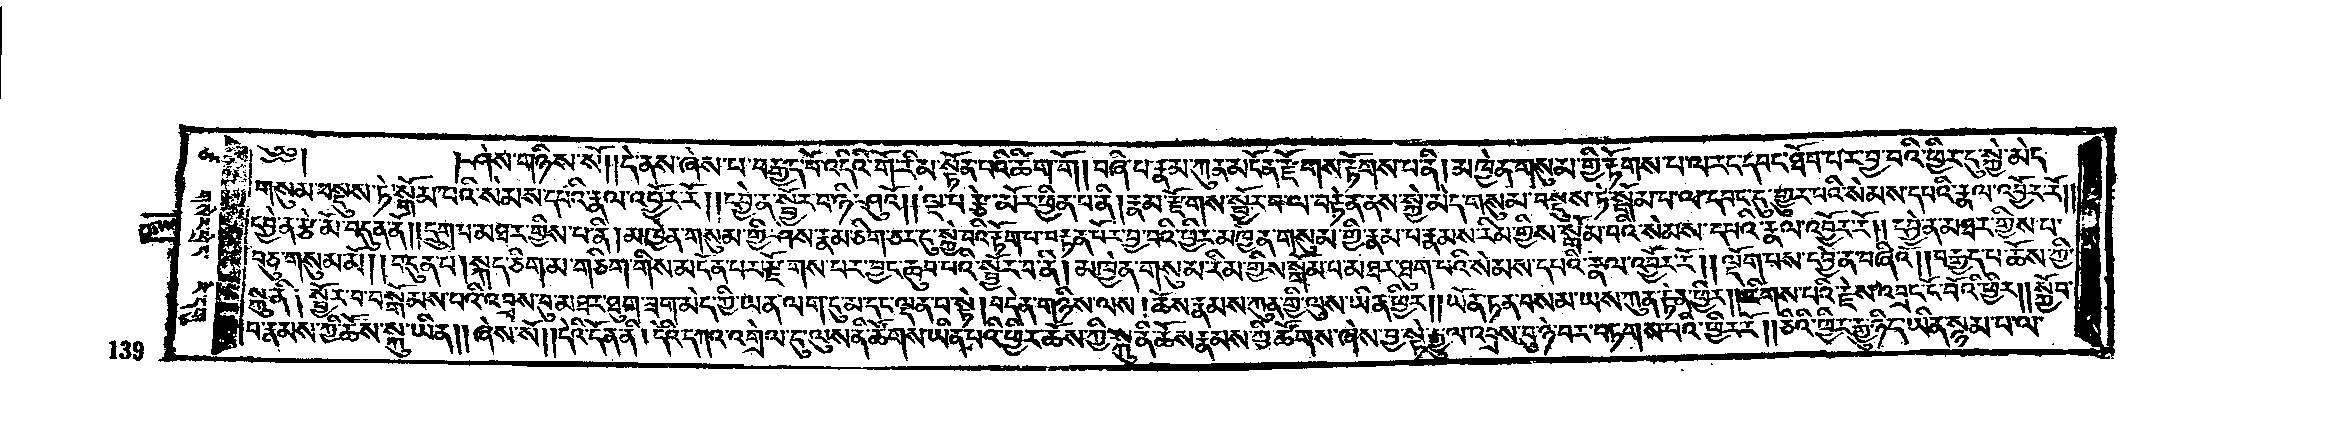༄༅། །ཤེས་གཉིས་སོ། །དེ་ནས་ཞེས་པ་བརྒྱད་པོ་འདིའི་གོ་རིམ་སྟོན་པའི་ཚིག་གོ །བཞི་པ་རྣམ་ཀུན་མངོན་རྫོགས་རྟོགས་པ་ནི། མཁྱེན་གསུམ་གྱི་རྟོགས་པ་ལ་རང་དབང་ཐོབ་པར་བྱ་བའི་ཕྱིར་དུ་སྐྱེ་མེད་
གསུམ་བསྡུས་ཏེ་སྒོམ་པའི་སེམས་དཔའི་རྣལ་འབྱོར་རོ། །དབྱེ་ན་སྦྱོར་བ་ཉི་ཤུའོ། །ལྔ་པ་རྩེ་མོར་ཕྱིན་པ་ནི། རྣམ་རྫོགས་སྦྱོར་བ་ལ་བརྟེན་ནས་སྐྱེ་མེད་གསུམ་བསྡུས་ཏེ་སྒོམ་པ་ལ་དབང་དུ་གྱུར་པའི་སེམས་དཔའི་རྣལ་འབྱོར་རོ། །
དབྱེ་ན་རྩེ་མོ་བདུན་ནོ། །དྲུག་པ་མཐར་གྱིས་པ་ནི། མཁྱེན་གསུམ་གྱི་ཤེས་རྣམ་ཅིག་ཅར་དུ་སྐྱེ་བའི་རྟོག་པ་བརྟན་པོར་བྱ་བའི་ཕྱིར་མཁྱེན་གསུམ་གྱི་རྣམ་པ་རྣམས་རིམ་གྱིས་སྒོམ་པའི་སེམས་དཔའི་རྣལ་འབྱོར་རོ། །དབྱེ་ན་མཐར་གྱིས་པ་
བཅུ་གསུམ་མོ། །བདུན་པ། སྐད་ཅིག་མ་གཅིག་གིས་མངོན་པར་རྫོགས་པར་བྱང་ཆུབ་པའི་སྦྱོར་བ་ནི། མཁྱེན་གསུམ་རིམ་གྱིས་སྒོམ་པ་མཐར་ཐུག་པའི་སེམས་དཔའི་རྣལ་འབྱོར་རོ། །ལྡོག་པས་དབྱེ་ན་བཞིའོ། །བརྒྱད་པ་ཆོས་ཀྱི་
སྐུ་ནི། སྦྱོར་བ་བསྒོམས་པའི་འབྲས་བུ་མཐར་ཐུག་ཟག་མེད་ཀྱི་ཡན་ལག་དུ་མ་དང་ལྡན་པ་སྟེ། བདེན་གཉིས་ལས། ཆོས་རྣམས་ཀུན་གྱི་ལུས་ཡིན་ཕྱིར། །ཡོན་ཏན་བསམ་ཡས་ཀུན་རྟེན་ཕྱིར། །རིགས་པའི་རྗེས་འབྲང་ངོ་བོའི་ཕྱིར། །སྐྱོབ་
པ་རྣམས་ཀྱི་ཆོས་སྐུ་ཡིན། །ཞེས་སོ། །དེའི་དོན་ནི། དེའི་དཀའ་འགྲེལ་དུ་ལུས་ནི་ཚོགས་ཡིན་པའི་ཕྱིར་ཆོས་ཀྱི་སྐུ་ནི་ཆོས་རྣམས་ཀྱི་ཚོགས་ཞེས་བྱ་སྟེ་རྒྱུ་ལ་འབྲས་བུ་ཉེ་བར་བཏགས་པའི་ཕྱིར་རོ། །ཅིའི་ཕྱིར་རྒྱུ་ཉིད་ཡིན་སྙམ་པ་ལ་